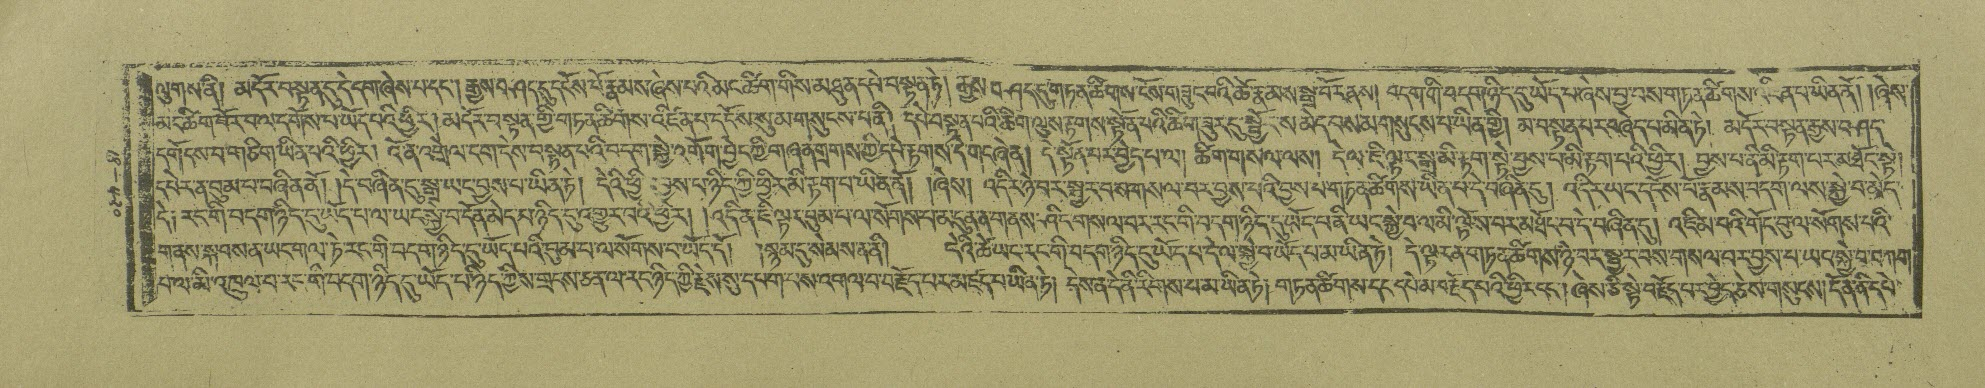ལུགས་ནི། མདོར་བསྟན་དུ་དེ་དག་ཞེས་པ་དང་། རྒྱས་བཤད་དུ་དངོས་པོ་རྣམས་ཞེས་པའི་མང་ཚིག་གིས་མཐུན་དཔེ་བསྟན་ཏེ། རྒྱས་བཤད་དུ་གཏན་ཚིགས་ངོས་གཟུང་བའི་ཚེ་རྣམས་སྒྲ་བོར་ནས། བདག་གི་བདག་ཉིད་དུ་ཡོད་པ་ཞེས་བྱ་བས་གཏན་ཚིགས་འཛིན་པ་ཡིན་ནོ། །ཞེས་
མང་ཚིག་པོར་བ་ལ་དགོས་པ་ཡོད་པའི་ཕྱིར། མདོར་བསྟན་གྱི་གཏན་ཚིགས་འཛིན་པ་དངོས་སུ་མ་གསུངས་པ་ནི། དཔེ་བསྟན་པའི་ཚིག་ལས་རྟགས་སྟོན་པའི་ཚིག་ཟུར་དུ་སྦྱོར་ས་མེད་བསམ་གསུངས་པ་ཡིན་གྱི། མ་བསྟན་པར་བཞེད་པ་མིན་ཏེ། མདོར་བསྟན་རྒྱས་བཤད་
དགོངས་པ་གཅིག་ཡིན་པའི་ཕྱིར། འོ་ན་འགྲེལ་དག་དེས་བསྟན་པའི་བདག་སྐྱེ་འགོག་བྱེད་ཀྱི་གཞན་གྲགས་ཀྱི་དཔེ་རྟགས་དེ་གང་ཞེ་ན། དེ་སྟོན་པར་བྱེད་པ་ལ། ཚིག་གསལ་ལས། དེ་ལ་ཇི་ལྟར་སྒྲ་མི་རྟག་སྟེ་བྱས་པ་མི་རྟག་པའི་ཕྱིར། བྱས་པ་ནི་མི་རྟག་པར་མཐོང་སྟེ།
དཔེར་ན་བུམ་པ་བཞིན་ནོ། །དེ་བཞིན་དུ་སྒྲ་ཡང་བྱས་པ་ཡིན་ཏེ། དེའི་ཕྱིར་བྱས་པ་ཉིད་ཀྱི་ཕྱིར་མི་རྟག་པ་ཡིན་ནོ། །ཞེས། འདིར་ཉེ་བར་སྦྱར་བ་གསལ་བར་བྱས་པའི་བྱས་པ་གཏན་ཚིགས་ཡིན་པ་དེ་བཞིན་དུ། འདིར་ཡང་དངོས་པོ་རྣམས་བདག་ལས་སྐྱེ་བ་མེད་
དེ། རང་གི་བདག་ཉིད་དུ་ཡོད་པ་ལ་ཡང་སྐྱེ་བ་དོན་མེད་པ་ཉིད་དུ་འགྱུར་བའི་ཕྱིར། །འདི་ན་ཇི་ལྟར་བུམ་པ་ལ་སོགས་པ་མདུན་ན་གནས་ཤིང་གསལ་བར་རང་གི་བདག་ཉིད་དུ་ཡོད་པ་ནི་ཡང་སྐྱེ་བ་ལ་མི་ལྟེས་པར་མཐོང་བ་དེ་བཞིན་དུ། འཇིམ་པའི་གོང་བུ་ལ་སོགས་པའི་
གནས་སྐབས་ན་ཡང་གལ་ཏེ་རང་གི་བདག་ཉིད་དུ་ཡོད་པའི་བུམ་པ་ལ་སོགས་པ་ཡོད་དོ། །སྙམ་དུ་སེམས་ན་ནི། དེའི་ཚེ་ཡང་རང་གི་བདག་ཉིད་དུ་ཡོད་པ་དེ་ལ་སྐྱེ་བ་ཡོད་པ་མ་ཡིན་ཏེ། དེ་ལྟར་ན་གཏན་ཚིགས་ཉེ་བར་སྦྱར་བས་གསལ་བར་བྱས་པ་ཡང་སྐྱེ་བ་བཀག་
པ་ལ་མི་འཁྲུལ་བ་རང་གི་བདག་ཉིད་དུ་ཡོད་པ་ཉིད་ཀྱིས་གྲངས་ཅན་ལ་རང་ཉིད་ཀྱི་རྗེས་སུ་དཔག་པས་འགལ་བ་བརྗོད་པར་མཛད་པ་ཡིན་ཏེ། དེས་ན་དེ་ནི་རིགས་པ་མ་ཡིན་ཏེ། གཏན་ཚིགས་དང་དཔེ་མ་བརྗོད་པའི་ཕྱིར་དང་། ཞེས་ཅི་སྟེ་བརྗོད་པར་བྱེད་ཅེས་གསུངས། དོན་ནི་དཔེ་